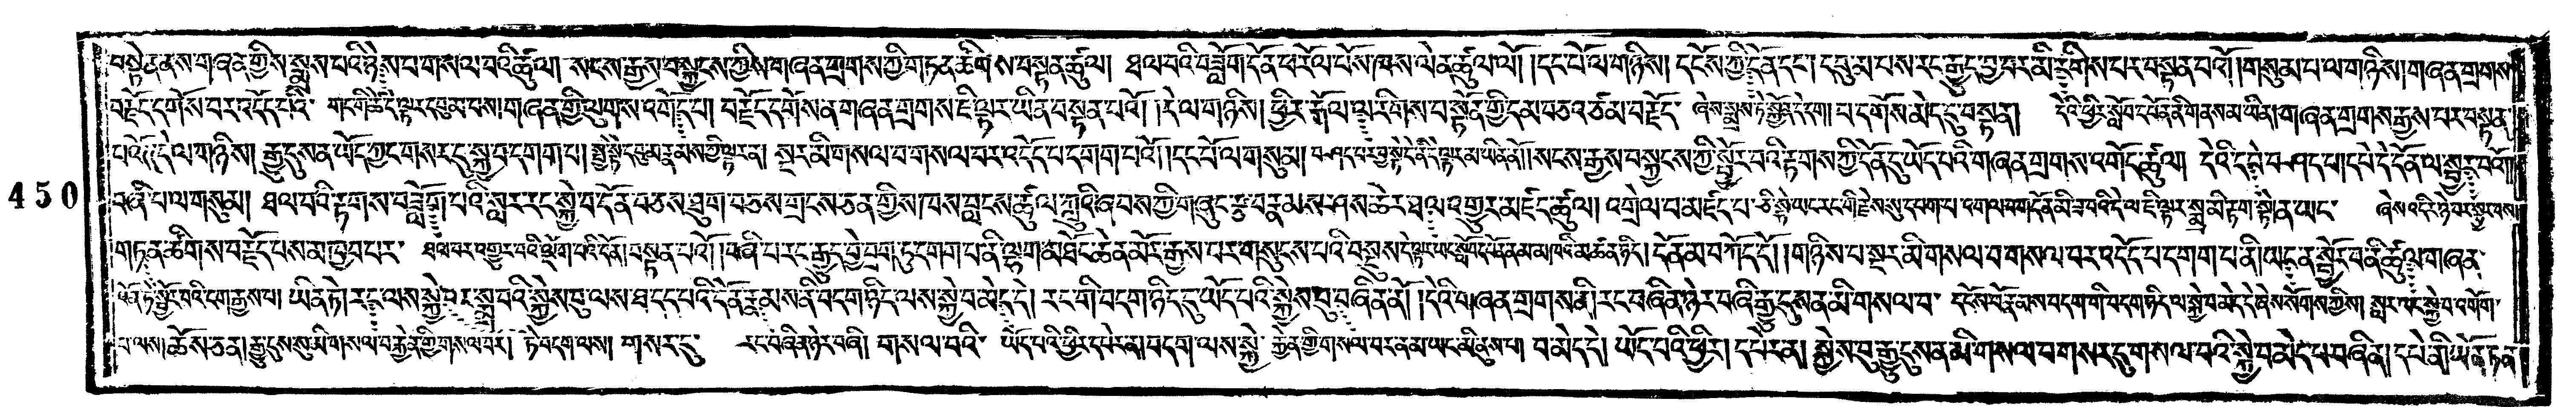བསྟེན་?་ནས་གཞན་གྱིས་སྨྲས་བའི་ཉེས་པ་གསལ་བའི་ཚུལ། སངས་རྒྱས་བསྐྱངས་ཀྱིས་གཞན་གྲགས་ཀྱི་གཏན་ཚིགས་བསྟན་ཚུལ། ཐལ་བའི་བཟློག་དོན་ཕ་རོལ་པོས་ཁས་ལེན་ཚུལ་ལོ། །དང་པོ་ལ་གཉིས། དངོས་ཀྱི་དོན་དང་། དབུ་མ་པས་རང་རྒྱུད་བྱ་བར་མི་རིགས་པར་བསྟན་པའོ། །གསུམ་པ་ལ་གཉིས། གཞན་གྲགས་
བརྗོད་དགོས་བར་འདོད་པའི་གང་གི་ཚེ་དེ་ལྟར་དབུ་མ་པས།  གཞན་གྱི་ལུགས་འགོད་པ། བརྗོད་དགོས་ན་གཞན་གྲགས་ཇི་ལྟར་ཡིན་བསྟན་པའོ། །དེ་ལ་གཉིས། ཕྱིར་རྒོལ་ལ་རིགས་བསྟོན་གྱི་དམ་བཅའ་ཙམ་བརྗོད་ཞེས་སྨྲས་ཏེ་སྐྱོན་དེ་དག།  བ་དགོས་མེད་དུ་བསྟན། དེའི་ཕྱིར་སློབ་དཔོན་ནི་གནས་མ་ཡིན།  གཞན་གྲགས་རྒྱས་པར་བསྟན་
པའོ༑ ༑དེ་ལ་གཉིས། རྒྱུ་དུས་ན་ཡོད་ཀྱང་གསར་དུ་སྐྱ་བ་དགག་པ། སྤྱི་སྟེ་དབུ་མ་རྣམས་ཀྱི་ལྟར་ན།  སྔར་མི་གསལ་བ་གསལ་བར་འདོད་པ་དགག་པའོ། །དང་པོ་ལ་གསུམ། བཤད་པར་བྱ་སྟེ་དེ་ནི་དེ་ལྟར་མ་ཡིན་ནོ།  །སངས་རྒྱས་བསྐྱངས་ཀྱི་སྦྱོར་བའི་རྟགས་ཀྱི་དོན་དུ་ཡོད་པའི་གཞན་གྲགས་འགོད་ཚུལ། དེའི་དཔེ་བཤད་པ། དཔེ་དེ་དོན་ལ་སྦྱར་བའོ།།
བཞི་པ་ལ་གསུམ། ཐལ་བའི་རྟགས་བཟློག་པའི་སླར་རང་སྐྱེ་བ་དོན་བཅས་ཐུག་བཅས་གྲངས་ཅན་གྱིས་ཁས་བླངས་ཚུལ་ཀླུའི་ཞབས་ཀྱི་གཞུང་རྩ་བ་རྣམས་ཤས་ཆེར་ཐལ་འགྱུར་མཛད་ཚུལ། འགྲེལ་བ་མཛད་པ་ཅི་སྟེ་ཡང་རང་གི་རྗེས་སུ་དཔག་པ་འགལ་བ་གདོན་མི་ཟ་བའི་དེ་ལ་ཇི་ལྟར་སྨྲ་མི་རྟག་སྟེ་ན་ཡང་ཞེས་འདིར་ཉེ་བར་སྦྱར་བས
གཏན་ཚིགས་བརྗོད་པས་མ་ཁྱབ་པར་ཐལ་བར་འགྱུར་བའི་ལྡོག་པའི་དོན།  བསྟན་པའོ། །བཞི་པ་རང་རྒྱུད་བྱེ་བྲག་ཏུ་དགག་པ་ནི་ལྷག་མཐོང་ཆེན་མོར་རྒྱས་པར་གསུངས་པའི་བསྡུས་དེ་ལྟར་ཡང་སློབ་དཔོན་ནམ་མཁའི་མཚན་ཉིད།  དོན་མ་བཀོད་དོ། །གཉིས་པ་སྔར་མི་གསལ་བ་གསལ་བར་འདོད་པ་དགག་པ་ནི། ཡང་ན་སྦྱོར་བ་ནི་ཚུལ་གཞན་
ཕོན་ཏེ་སྦྱོར་བའི་ངག་རྒྱས་པ།  ཡིན་ཏེ། རང་ལས་སྐྱེ་བར་སྨྲ་བའི་སྐྱེས་བུ་ལས་ཐ་དད་པའི་དོན་རྣམས་ནི་བདག་ཉིད་ལས་སྐྱེ་བ་མེད་དེ། རང་གི་བདག་ཉིད་དུ་ཡོད་པའི་སྐྱེས་བུ་བཞིན་ནོ། །དེའི་གཞན་གྲགས་ནི། རང་བཞིན་ཉེར་བཞི་རྒྱུ་དུས་ན་མི་གསལ་བ་དངོས་པོ་རྣམས་བདག་གི་བདག་ཉིད་ལ་སྐྱེ་བ་མེད་དེ་ཞེས་སོགས་ཀྱིས། སླར་ཡང་སྐྱེ་བ་འགོག་
པ་ལས། ཆོས་ཅན། རྒྱུ་དུས་སུ་མི་གསལ་བ་རྐྱེན་གྱི་གསལ་བར། ཏེ་བདག་ལས།  གསར་དུ་རང་བཞིན་ཉེར་བཞི།  གསལ་བའི་ཡོད་པའི་ཕྱིར་དཔེར་ན།  བདག་ལས་སྐྱེ་རྐྱེན་གྱི་གསལ་བར་ནམ་ཡང་མི་ནུས་པ།  བ་མེད་དེ། ཡོད་པའི་ཕྱིར། དཔེར་ན། སྐྱེས་བུ་རྒྱུ་དུས་ན་མི་གསལ་བ་གསར་དུ་གསལ་བའི་སྐྱེ་བ་མེད་པ་བཞིན། དཔེ་ནི། ཡོན་ཏན་